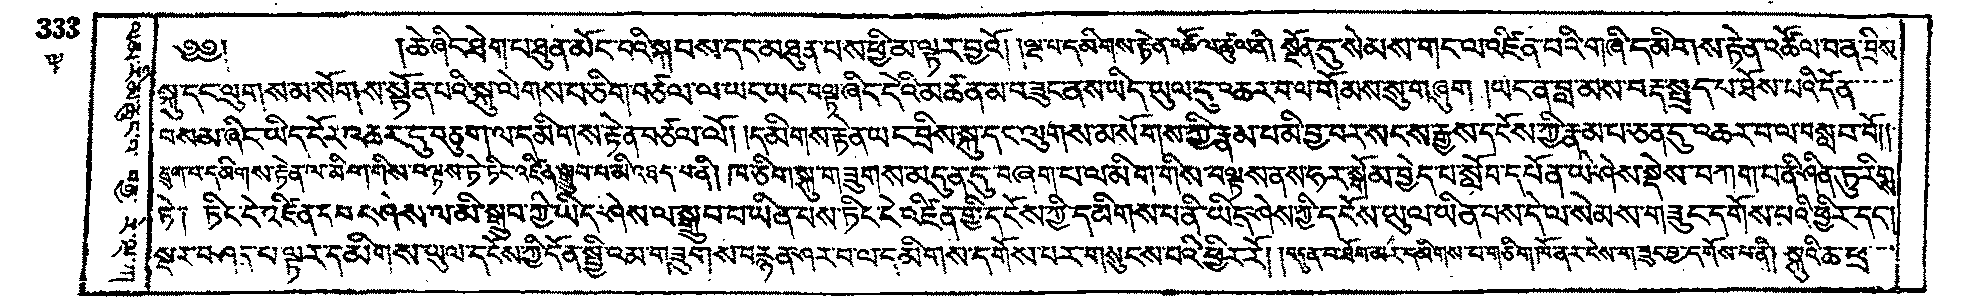༄༅། །ཆེ་ཞིང་ཐེག་པ་ཐུན་མོང་བའི་སྐབས་དང་མཐུན་པས་ཕྱི་མ་ལྟར་བྱའོ། །ལྔ་པ་དམིགས་རྟེན་འཚོལ་ཚུལ་ནི།  སྔོན་དུ་སེམས་གང་ལ་འཛིན་པའི་གཞི་དམིགས་རྟེན་འཚོལ་བ་ན་བྲིས་
སྐུ་དང་ལུགས་མ་སོགས་སྟོན་པའི་སྐུ་ལེགས་པ་ཅིག་བཙལ་ལ་ཡང་ཡང་བལྟ་ཞིང་དེའི་མཚན་མ་བཟུང་ནས་ཡིད་ཡུལ་དུ་འཆར་བ་ལ་གོམས་སུ་གཞུག །ཡང་ན་བླ་མས་བརྡ་སྤྲད་པ་ཐོས་པའི་དོན་
བསམ་ཞིང་ཡིད་དོར་འཆར་དུ་བཅུག་ལ་དམིགས་རྟེན་བཙལ་ལོ། །དམིགས་རྟེན་ཡང་བྲིས་སྐུ་དང་ལུགས་མ་སོགས་ཀྱི་རྣམ་པ་མི་བྱ་བར་སངས་རྒྱས་དངོས་ཀྱི་རྣམ་པ་ཅན་དུ་འཆར་བ་ལ་བསླབ་བོ།།
དྲུག་པ་དམིགས་རྟེན་ལ་མིག་གིས་བལྟས་ཏེ་ཏིང་འཛིན་སྒྲུབ་པ་མི་འཐད་པ་ནི།  ཁ་ཅིག་སྐུ་གཟུགས་མདུན་དུ་བཞག་པ་ལ་མིག་གིས་བལྟས་ནས་ཁར་སྒོམ་བྱེད་པ་སློབ་དཔོན་ཡེ་ཤེས་སྡེས་བཀག་པ་ནི་ཤིན་ཏུ་རིགས་
ཏེ༑ ཏིང་ངེ་འཛིན་དབང་ཤེས་ལ་མི་སྒྲུབ་ཀྱི་ཡིད་ཤེས་ལ་སྒྲུབ་པ་ཡིན་པས་ཏིང་ངེ་འཛིན་གྱི་དངོས་ཀྱི་དམིགས་པ་ནི་ཡིད་ཤེས་ཀྱི་དངོས་ཡུལ་ཡིན་པས་དེ་ལ་སེམས་གཟུང་དགོས་པའི་ཕྱིར་དང་།
སྔར་བཤད་པ་ལྟར་དམིགས་ཡུལ་དངོས་ཀྱི་དོན་སྤྱི་འམ་གཟུང་བརྙན་ཤར་བ་ལ་དམིགས་དགོས་པར་གསུངས་པའི་ཕྱིར་རོ། ། བདུན་བ་ཐོག་མར་དམིགས་པ་གཅིག་ཁོ་ནར་ངེས་གཟུང་བྱ་དགོས་པ་ནི། སྐུ་ཆ་ཕྲ་